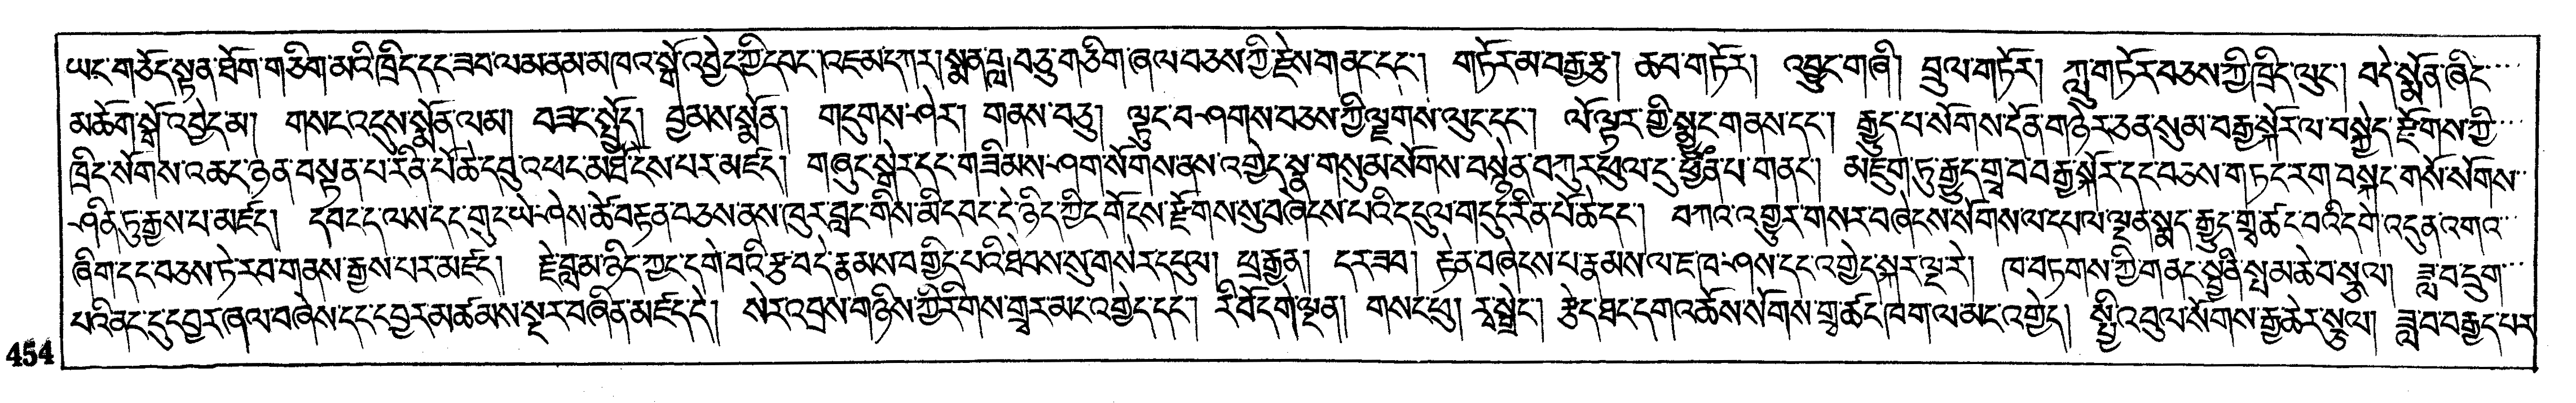ཡང་གཅོད་སྟན་ཐོག་གཅིག་མའི་ཁྲིད་དང་ཟབ་ལམ་ནམ་མཁའ་སྒོ་འབྱེད་ཀྱི་དབང་། འཇམ་དཀར། སྨན་བླ། བཅུ་གཅིག་ཞལ་བཅས་ཀྱི་རྗེས་གནང་དང་། གཏོར་མ་བརྒྱ་རྩ། ཆབ་གཏོར། འབྱུང་གཞི། བྲུལ་གཏོར། ཀླུ་གཏོར་བཅས་ཀྱི་ཁྲིད་ལུང་། བདེ་སྨོན་ཞིང་
མཆོག་སྒོ་འབྱེད་མ། གསང་འདུས་སྨོན་ལམ། བཟང་སྤྱོད། བྱམས་སྨོན། གདུགས་ཤེར། གནས་བཅུ། ལྟུང་བཤགས་བཅས་ཀྱི་ལྗགས་ལུང་དང་། ལོ་ལྟར་གྱི་སྨྱུང་གནས་དང་། རྒྱུད་པ་སོགས་དོན་གཉེར་ཅན་སུམ་བརྒྱ་སྐོར་ལ་བསྐྱེད་རྫོགས་ཀྱི་
ཁྲིད་སོགས་འཆད་ཉན་བསྟན་པ་རིན་པོ་ཆེ་དབུ་འཕང་མཐོ་ངེས་པར་མཛད། གཞུང་སྒེར་དང་གཟིམས་ཤག་སོགས་ནས་འགྱེད་སྣ་གསུམ་སོགས་བསྙེན་བཀུར་ཕུལ་དུ་ཕྱིན་པ་གནང་། མཇུག་ཏུ་རྒྱུད་གྲྭ་པ་བརྒྱ་སྐོར་དང་བཅས་གཏང་རག་བསྐང་གསོ་སོགས་
ཤིན་ཏུ་རྒྱས་པ་མཛད། དབང་ད་ལས་དང་གུང་ཡེ་ཤེས་ཚེ་བརྟན་བཅས་ནས་ཁུར་བླང་གིས་མི་དབང་དེ་ཉིད་ཀྱི་དགོངས་རྫོགས་སུ་བཞེངས་པའི་དངུལ་གདུང་རིན་པོ་ཆེ་དང་། བཀའ་འགྱུར་གསར་བཞེངས་སོགས་ལ་དཔལ་ལྡན་སྨད་རྒྱུད་གྲྭ་ཚང་པའི་དགེ་འདུན་འགའ་
ཞིག་དང་བཅས་ཏེ་རབ་གནས་རྒྱས་པར་མཛད། རྗེ་བླ་མ་ཉིད་ཀྱང་དགེ་བའི་རྩ་པ་དེ་རྣམས་བགྱིད་པའི་ཐེབས་སུ་གསེར་དངུལ། ཕྲ་རྒྱན། དར་ཟབ། རྟེན་བཞེངས་པ་རྣམས་ལ་ཇ་ཁ་ཤས་དང་འགྱེད་སྐར་ལྔ་རེ། ཁ་བཏགས་ཀྱི་གནང་སྦྱིན་སྤམ་ཆེ་བ་སྩལ། ཟླ་བ་དྲུག་
པའི་ནང་དུ་དབྱར་ཞལ་བཞེས་དང་དབྱར་མཚམས་སྔར་བཞིན་མཛད་དེ། སེར་འབྲས་གཉིས་ཀྱི་རིགས་གྲྭར་མང་འགྱེད་དང་། རི་བོ་དགེ་ལྡན། གསང་ཕུ། ར་སྒྲེང་། རྩེད་ཐང་དགའ་ཆོས་སོགས་གྲྭ་ཚང་ཁག་ལ་མང་འགྱེད། སྤྱི་འབུལ་སོགས་རྒྱ་ཆེར་སྩལ། ཟླ་པ་བརྒྱད་པར་